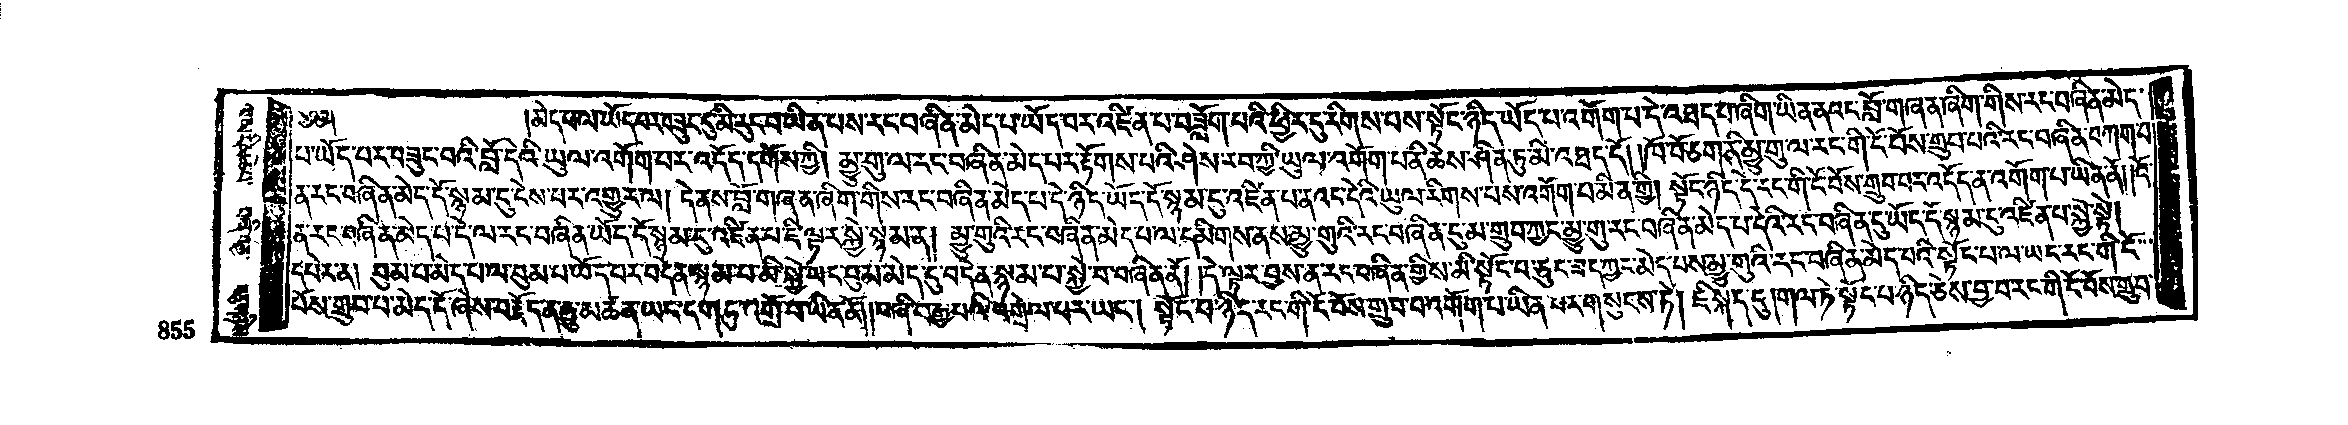༄༅། །མེད་པ་ལ་ཡོད་པར་བཟུང་དུ་མི་རུང་བ་ཡིན་པས་རང་བཞིན་མེད་པ་ཡོད་པར་འཛིན་པ་བཟློག་པའི་ཕྱིར་དུ་རིགས་པས་སྟོང་ཉིད་ཡོད་པ་འགོག་པ་དེ་འཐད་པ་ཞིག་ཡིན་ནའང་བློ་གཞན་ཞིག་གིས་རང་བཞིན་མེད་
པ་ཡོད་པར་བཟུང་བའི་བློ་དེའི་ཡུལ་འགོག་པར་འདོད་དགོས་ཀྱི། མྱུ་གུ་ལ་རང་བཞིན་མེད་པར་རྟོགས་པའི་ཤེས་རབ་ཀྱི་ཡུལ་འགོག་པ་ནི་ཆེས་ཤིན་ཏུ་མི་འཐད་དོ། །ཁོ་བོ་ཅག་ནི་མྱུ་གུ་ལ་རང་གི་ངོ་བོས་གྲུབ་པའི་རང་བཞིན་བཀག་པ་
ན་རང་བཞིན་མེད་དོ་སྙམ་དུ་ངེས་པར་འགྱུར་ལ། དེ་ནས་བློ་གཞན་ཞིག་གིས་རང་བཞིན་མེད་པ་དེ་ཉིད་ཡོད་དོ་སྙམ་དུ་འཛིན་པ་ནའང་དེའི་ཡུལ་རིགས་པས་འགོག་པ་མིན་གྱི། སྟོང་ཉིད་དེ་རང་གི་ངོ་བོས་གྲུབ་པར་འདོད་ན་འགོག་པ་ཡིན་ནོ། །འོ་
ན་རང་བཞིན་མེད་པ་དེ་ལ་རང་བཞིན་ཡོད་དོ་སྙམ་དུ་འཛིན་པ་ཇི་ལྟར་སྐྱེ་སྙམ་ན། མྱུ་གུའི་རང་བཞིན་མེད་པ་ལ་དམིགས་ནས་མྱུ་གུའི་རང་བཞིན་དུ་མ་གྲུབ་ཀྱང་མྱུ་གུ་རང་བཞིན་མེད་པ་དེའི་རང་བཞིན་དུ་ཡོད་དོ་སྙམ་དུ་འཛིན་པ་སྐྱེ་སྟེ།
དཔེར་ན། བུམ་པ་མེད་པ་ལ་བུམ་པ་ཡོད་པར་བདེན་སྙམ་པ་མི་སྐྱེ་ཡང་བུམ་མེད་དུ་བདེན་སྙམ་པ་སྐྱེ་བ་བཞིན་ནོ། །དེ་ལྟར་བྱས་ན་རང་བཞིན་གྱིས་མི་སྟོང་པ་ཅུང་ཟད་ཀྱང་མེད་པས་མྱུ་གུའི་རང་བཞིན་མེད་པའི་སྟོང་པ་ལ་ཡང་རང་གི་ངོ་
བོས་གྲུབ་པ་མེད་དོ་ཞེས་བརྗོད་ན་རྒྱུ་མཚན་ཡང་དག་ཏུ་འགྲོ་བ་ཡིན་ནོ། །བཞི་བརྒྱ་པའི་འགྲེལ་པར་ཡང་། སྟོང་པ་ཉིད་རང་གི་ངོ་བོས་གྲུབ་པ་འགོག་པ་ཡིན་པར་གསུངས་ཏེ། ཇི་སྐད་དུ། གལ་ཏེ་སྟོང་པ་ཉིད་ཅེས་བྱ་བ་རང་གི་ངོ་བོས་གྲུབ་